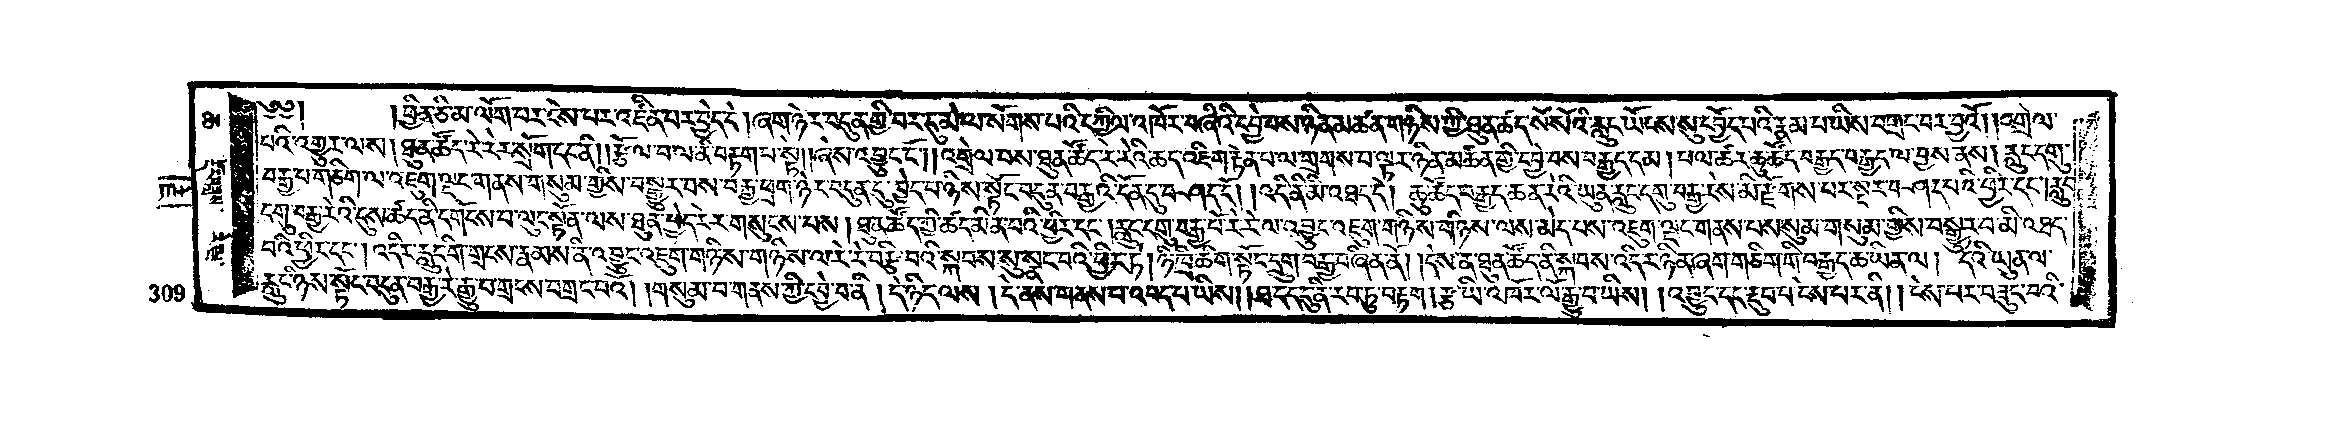༄༅། །ཕྱིན་ཅི་མ་ལོག་པར་ངེས་པར་འཛིན་པར་བྱེད་དེ། ཞག་ཉེར་བདུན་གྱི་བར་དུ་མེད་ལ་སོགས་པའི་དཀྱིལ་འཁོར་བཞིའི་དབྱེ་བས་ཉིན་མཚན་གཉིས་ཀྱི་ཐུན་ཚོད་སོ་སོའི་རླུང་ཡོངས་སུ་དཔྱོད་པའི་རྣམ་པ་ཡིས་བགྲང་བར་བྱའོ། །འགྲེལ་
པའི་འགྱུར་ལས། ཐུན་ཚོད་རེ་རེར་སྲོག་དང་ནི། །རྩོལ་བ་ལ་ནི་བརྟག་པ་སྟེ། །ཞེས་འབྱུང་ངོ། །འགྲེལ་པས་ཐུན་ཚོད་རེ་རེའི་ཆད་འཇིག་རྟེན་པ་ལ་གྲགས་པ་ལྟར་ཉིན་མཚན་གྱི་དབྱེ་བས་བརྒྱད་དམ། ཕལ་ཆེར་ཆུ་ཚོད་བརྒྱད་བརྒྱད་ལ་བྱས་ནས། རླུང་དགུ་
བརྒྱ་པ་གཅིག་ལ་འཇུག་ལྡང་གནས་གསུམ་གྱིས་བསྒྱུར་བས་བརྒྱ་ཕྲག་ཉེར་བདུན་དུ་བྱེད་པ་ཉིས་སྟོང་བདུན་བརྒྱའི་དོན་དུ་བཤད་དོ། །འདི་ནི་མི་འཐད་དེ། ཆུ་ཚོད་བརྒྱད་ཆེན་རེའི་ཡུན་རླུང་དགུ་བརྒྱ་རེས་མི་རྫོགས་པར་སྔར་བཤད་པའི་ཕྱིར་དང་། རླུང་
དགུ་བརྒྱ་རེའི་དུས་ཚད་ནི་དགོངས་པ་ལུང་སྟོན་ལས་ཐུན་ཕྱེད་རེར་གསུངས་པས། ཐུན་ཚོད་ཀྱི་ཚད་མིན་པའི་ཕྱིར་དང་། རླུང་དགུ་བརྒྱ་པོ་རེ་རེ་ལ་འབྱུང་འཇུག་གཉིས་གཉིས་ལས་མེད་པས་འཇུག་ལྡང་གནས་པས་སུམ་གསུམ་གྱིས་བསྒྱུར་བ་མི་འཐད་
པའི་ཕྱིར་དང་། འདིར་རླུང་གི་གྲངས་རྣམས་ནི་འབྱུང་འཇུག་གཉིས་གཉིས་ལ་རེ་རེ་བརྩི་བའི་སྐབས་སུ་སྣང་བའི་ཕྱིར་ཏེ། ཉི་ཁྲི་ཆིག་སྟོང་དྲུག་བརྒྱ་བཞིན་ནོ། །དེས་ན་ཐུན་ཚོད་ནི་སྐབས་འདིར་ཉིན་ཞག་གཅིག་གི་བརྒྱད་ཆ་ཡིན་ལ། དེའི་ཡུན་ལ་
རླུང་ཉིས་སྟོང་བདུན་བརྒྱ་རེ་རྒྱུ་བ་གྲངས་བགྲང་བའོ། །གསུམ་པ་གནས་ཀྱི་དབྱེ་བ་ནི། དེ་ཉིད་ལས། དེ་ནས་གནས་པ་འབད་པ་ཡིས། །ཐ་དད་དུ་ནི་རབ་ཏུ་བརྟག །རྩ་ཡི་འཁོར་ལོ་རྒྱུ་བ་ཡིས། །འབྱུང་དང་རྔུབ་པ་ངེས་པར་ནི། །ངེས་པར་བཟུང་བའི་